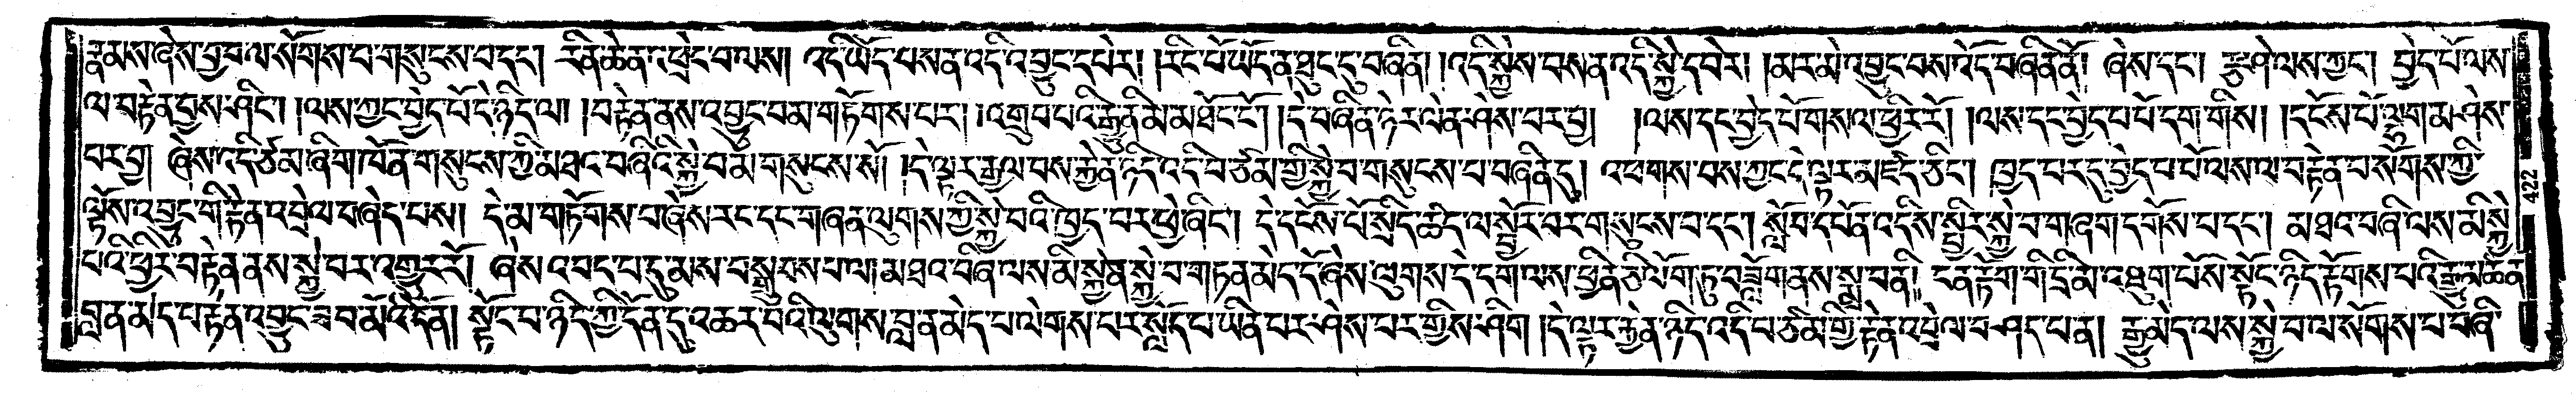རྣམས་ཞེས་བྱ་བ་ལ་སོགས་པ་གསུངས་པ་དང་། རིན་ཆེན་འཕྲེང་བ་ལས། འདི་ཡོད་པས་ན་འདི་འབྱུང་དཔེར། །རིང་པོ་ཡོད་ན་ཐུང་ངུ་བཞིན། །འདི་སྐྱེས་པས་ན་འདི་སྐྱེ་དཔེར། །མར་མེ་འབྱུང་བས་འོད་བཞིན་ནོ། ཞེས་དང་། རྩ་ཤེ་ལས་ཀྱང་། བྱེད་པོ་ལས་
ལ་བརྟེན་བྱས་ཤིང་། །ལས་ཀྱང་བྱེད་པོ་དེ་ཉིད་ལ། །བརྟེན་ནས་འབྱུང་བ་མ་གཏོགས་པར། །འགྲུབ་པའི་རྒྱུ་ནི་མ་མཐོང་ངོ། །དེ་བཞིན་ཉེར་ལེན་ཤེས་པར་བྱ། །ལས་དང་བྱེད་པོ་གསལ་ཕྱིར་རོ། །ལས་དང་བྱེད་པ་པོ་དག་གིས། །དངོས་པོ་ལྷག་མ་ཤེས་
པར་བྱ། ཞེས་འདི་ཙམ་ཞིག་ཁོ་ན་གསུངས་ཀྱི་མཐའ་བཞིའི་སྐྱེ་བ་མ་གསུངས་སོ། །དེ་ལྟར་རྒྱལ་བས་རྐྱེན་ཉིད་འདི་པ་ཙམ་གྱི་སྐྱེ་བ་གསུངས་པ་བཞིན་དུ། འཕགས་པས་ཀྱང་དེ་ལྟར་མཛད་ཅིང་། ཁྱད་པར་དུ་བྱེད་པ་པོ་ལས་ལ་བརྟེན་པ་སོགས་ཀྱི་
ལྟོས་འབྱུང་གི་རྟེན་འབྲེལ་བཞེད་པས། དེ་མ་གཏོགས་པ་ཞེས་རང་དང་གཞན་ལུགས་ཀྱི་སྐྱེ་བའི་ཁྱད་པར་ཕྱེ་ཞིང་། དེ་དངོས་པོ་སྲིད་ཚད་ལ་སྦྱོར་བར་གསུངས་པ་དང་། སློབ་དཔོན་འདིས་སྤྱིར་སྐྱེ་བ་གཞག་དགོས་པ་དང་། མཐའ་བཞི་ལས་མི་སྐྱེ་
བའི་ཕྱིར་བརྟེན་ནས་སྐྱེ་བར་འགྱུར་རོ། ཞེས་འབད་པ་དུ་མས་བསྒྲུབས་པ་ལ། མཐའ་བཞི་ལས་མི་སྐྱེ་ན་སྐྱེ་བ་གཏན་མེད་དོ་ཞེས་ལུགས་དེ་དག་ལས་ཕྱིན་ཅི་ལོག་ཏུ་བཟློག་ནས་སྨྲ་བ་ནི། ངན་རྟོག་གི་དྲི་མ་འཐུག་པོས་སྟོང་ཉིད་རྟོགས་པའི་རྒྱུ་མཚན་
བླ་ན་མེད་པ་རྟེན་འབྱུང་ཟབ་མོའི་དོན། སྟོང་པ་ཉིད་ཀྱི་དོན་དུ་འཆར་བའི་ལུགས་བླ་ན་མེད་པ་ལེགས་པར་སློད་པ་ཡིན་པར་ཤེས་པར་གྱིས་ཤིག །དེ་ལྟར་རྐྱེན་ཉིད་འདི་པ་ཙམ་གྱི་རྟེན་འབྲེལ་བཤད་པ་ན། རྒྱུ་མེད་ལས་སྐྱེ་བ་ལ་སོགས་པ་བཞི་